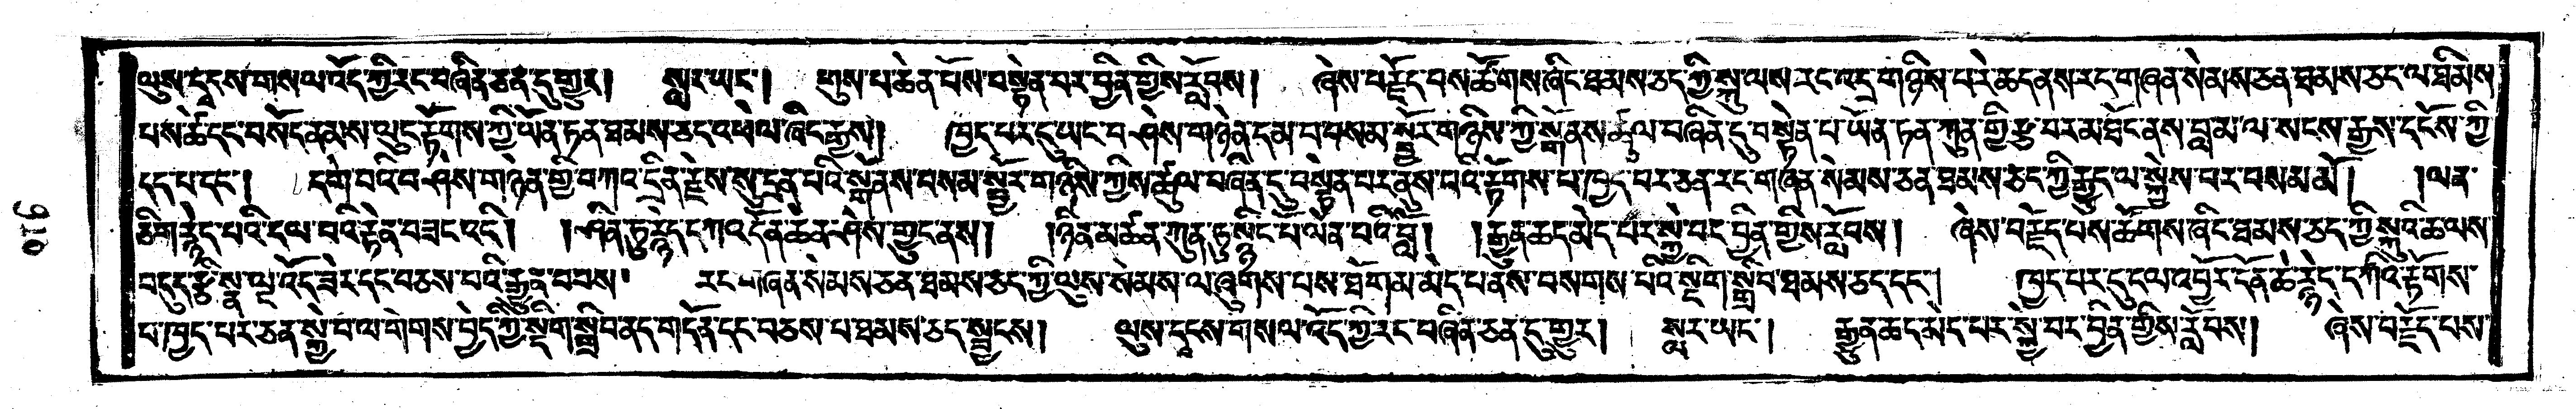ལུས་དྭངས་གསལ་འོད་ཀྱི་རང་བཞིན་ཅན་དུ་གྱུར། སླར་ཡང་། གུས་པ་ཆེན་པོས་བསྟེན་པར་བྱིན་གྱིས་རློབས། ཞེས་བརྗོད་པས་ཚོགས་ཞིང་ཐམས་ཅད་ཀྱི་སྐུ་ལས་རང་འདྲ་གཉིས་པ་རེ་ཆད་ནས་རང་གཞན་སེམས་ཅན་ཐམས་ཅད་ལ་ཐིམས་
པས་ཚེ་དང་བསོད་ནམས་ལུང་རྟོགས་ཀྱི་ཡོན་ཏན་ཐམས་ཅད་འཕེལ་ཞིང་རྒྱས། ཁྱད་པར་དུ་ཡང་བཤེས་གཉེན་དམ་པ་བསམ་སྦྱོར་གཉིས་ཀྱི་སྒོ་ནས་ཚུལ་བཞིན་དུ་བསྟེན་པ་ཡོན་ཏན་ཀུན་གྱི་རྩ་བར་མཐོང་ནས་བླ་མ་ལ་སངས་རྒྱས་དངོས་ཀྱི་
དད་པ་དང་། དགེ་བའི་བཤེས་གཉེན་གྱི་བཀའ་དྲིན་རྗེས་སུ་དྲན་པའི་སྒོ་ནས་བསམ་སྦྱོར་གཉིས་ཀྱིས་ཚུལ་བཞིན་དུ་བསྟེན་པར་ནུས་པའི་རྟོགས་པ་ཁྱད་པར་ཅན་རང་གཞན་སེམས་ཅན་ཐམས་ཅད་ཀྱི་རྒྱུད་ལ་སྐྱེས་པར་བསམ་མོ། །ལན་
ཅིག་རྙེད་པའི་ངལ་བའི་རྟེན་བཟང་འདི། །ཤིན་ཏུ་རྙེད་དཀའ་དོན་ཆེན་ཤེས་གྱུང་ནས། །ཉིན་མཚན་ཀུན་ཏུ་སྙིང་པོ་ལེན་པའི་བློ། །རྒྱུན་ཆད་མེད་པར་སྐྱེ་བང་བྱིན་གྱིས་རློབས། ཞེས་བརྗོད་པས་ཚོགས་ཞིང་ཐམས་ཅད་ཀྱི་སྐུའི་ཆ་ལས་
བདུད་རྩི་སྣ་ལྔ་འོད་ཟེར་དང་བཅས་པའི་རྒྱུན་བབས། རང་གཞན་སེམས་ཅན་ཐམས་ཅད་ཀྱི་ལུས་སེམས་ལ་ཞུགས་པས་ཐོག་མ་མེད་པ་ནས་བསགས་པའི་སྡིག་སྒྲིབ་ཐམས་ཅད་དང་། ཁྱད་པར་དུ་ངལ་འབྱོར་དོན་ཆེ་རྙེད་དཀའི་རྟོགས་
པ་ཁྱད་པར་ཅན་སྐྱེ་བ་ལ་གེགས་བྱེད་ཀྱི་སྡིག་སྒྲིབ་ནད་གདོན་དང་བཅས་པ་ཐམས་ཅད་སྦྱངས། ལུས་དྭངས་གསལ་འོད་ཀྱི་རང་བཞིན་ཅན་དུ་གྱུར། སླར་ཡང་། རྒྱུན་ཆད་མེད་པར་སྐྱེ་བར་བྱིན་གྱིས་རློབས། ཞེས་བརྗོད་པ་